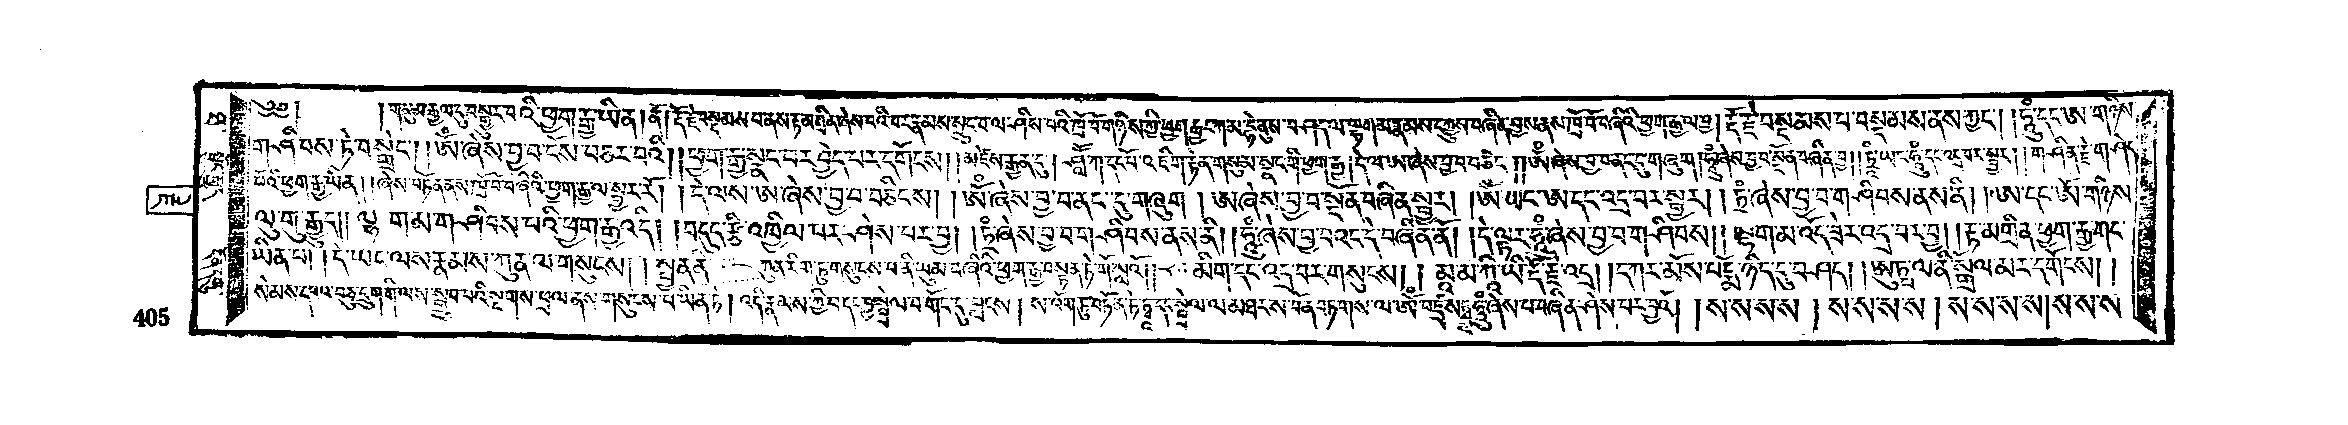༄༅། །གསུམ་རྒྱལ་དུ་བསྒྱུར་བའི་ཕྱག་རྒྱ་ཡིན། ནོ། རྡོ་རྗེ་བསྡམས་པ་ནས་རྟ་མགྲིན་ཞེས་པའི་བར་རྣམས་སྲུང་བ་ལ་ཤིས་པའི་ཁྲོ་བོ་གཉིས་ཀྱི་ཕྱག་རྒྱར་ཀ་མ་དྷེ་ནུས་བཤད་ལ་ལྷག་མ་རྣམས་དཀྱུས་བཞིན་བྱས་ནས་ཁྲོ་བོ་བཞིའི་ཕྱག་རྒྱ་ལ་བྱ།  རྡོ་རྗེ་བསྡམས་པ་བསྡམས་ནས་ཀྱང་། །ཧཱུཾ་དང་ཨ་གཉིས་
གཤིབས་ཏེ་བསྒྲེང་། །ཨོཾ་ཞེས་བྱ་བ་ངོས་བཅར་བའི། །ཕྱག་རྒྱ་སྣང་བར་བྱེད་པར་དགོངས། །མཛེས་རྒྱན་དུ། ཤླཽ་ཀ་དང་པོ་འཇིག་རྟེན་གསུམ་སྣང་གི་ཕྱག་རྒྱ། དེ་ལ་ཨ་ཞེས་བྱ་བ་བཅིང་། །ཨོཾ་ཞེས་བྱ་བ་ནང་དུ་གཞུག །ཧཱུཾ་ཞེས་བྱ་བ་སྔོན་བཞིན་བྱ། །ཏྲཱཾ་ཡང་ཧཱུཾ་དང་འདྲ་བར་སྦྱར། །གཤིན་རྗེ་གཤེད་
པོའི་ཕྱག་རྒྱ་ཡིན། །ཞེས་བཏོན་ནས་ཁྲོ་བོ་བཞིའི་ཕྱག་རྒྱ་ལ་སྦྱར་རོ། །དེ་ལས་ཨ་ཞེས་བྱ་བ་བཅིངས། །ཨོཾ་ཞེས་བྱ་བ་ནང་དུ་གཞུག །ཨ་ཞེས་བྱ་བ་སྔོན་བཞིན་སྦྱར། །ཨོཾ་ཡང་ཨ་དང་འདྲ་བར་སྦྱར། །ཏྲཾ་ཞེས་བྱ་བ་གཤིབས་ནས་ནི། །ཨ་དང་ཨོ་གཉིས་
ལུ་གུ་རྒྱུད། །ལྷག་མ་གཤིབས་པའི་ཕྱག་རྒྱ་འདི། །བདུད་རྩི་འཁྱིལ་པར་ཤེས་པར་བྱ། །ཏྲཾ་ཞེས་བྱ་བ་གཤིབས་ནས་ནི། །ཧཱུཾ་ཞེས་བྱ་བའང་དེ་བཞིན་ནོ། །དེ་ལྟར་ཧཱུཾ་ཞེས་བྱ་བ་གཤིབས། །ལྷག་མ་འོད་ཟེར་འདྲ་བར་བྱ། །རྟ་མགྲིན་ཕྱག་རྒྱ་གང་
ཡིན་པ། །དེ་ཡང་ལས་རྣམས་ཀུན་ལ་གསུངས། །སྤྱན་ནི་H.ཀུན་རིག་ཏུ་གསུངས་པ་ནི་ཡུམ་བཞིའི་ཕྱག་རྒྱ་བསྟན་ཏེ་གོ་སླའོ།།  .H མིག་དང་འདྲ་བར་གསུངས། །མཱ་མ་ཀཱི་ཡི་རྡོ་རྗེ་འདྲ། །དཀར་མོས་པདམོ་ཉིད་དུ་བཤད། །ཨུཏྤ་ལ་ནི་སྒྲོལ་མར་དགོངས། །
སེམས་དཔའ་བཅུ་དྲུག་གི་ལས་སྒྲུབ་པའི་སྔགས་ཕྲལ་ནས་གསུངས་པ་ཡིན་ཏེ། འདི་རྣམས་ཀྱི་བ་དང་བྱ་སྦྲེལ་བ་གོང་དུ་བླངས། ས་འོག་ཏུ་བཏོན་ཏེ་ཏྭཱ་དང་སྦྲེལ་ལ་མཐར་ས་བོན་བཏགས་ལ་ཨོཾ་བཛྲ་སཏྭཱ་ཧཱུཾ་ཞེས་པ་བཞིན་ཤེས་པར་བྱའོ།  །ས་ས་ས་ས། ས་ས་ས་ས། ས་ས་ས་ས། ས་ས་ས་